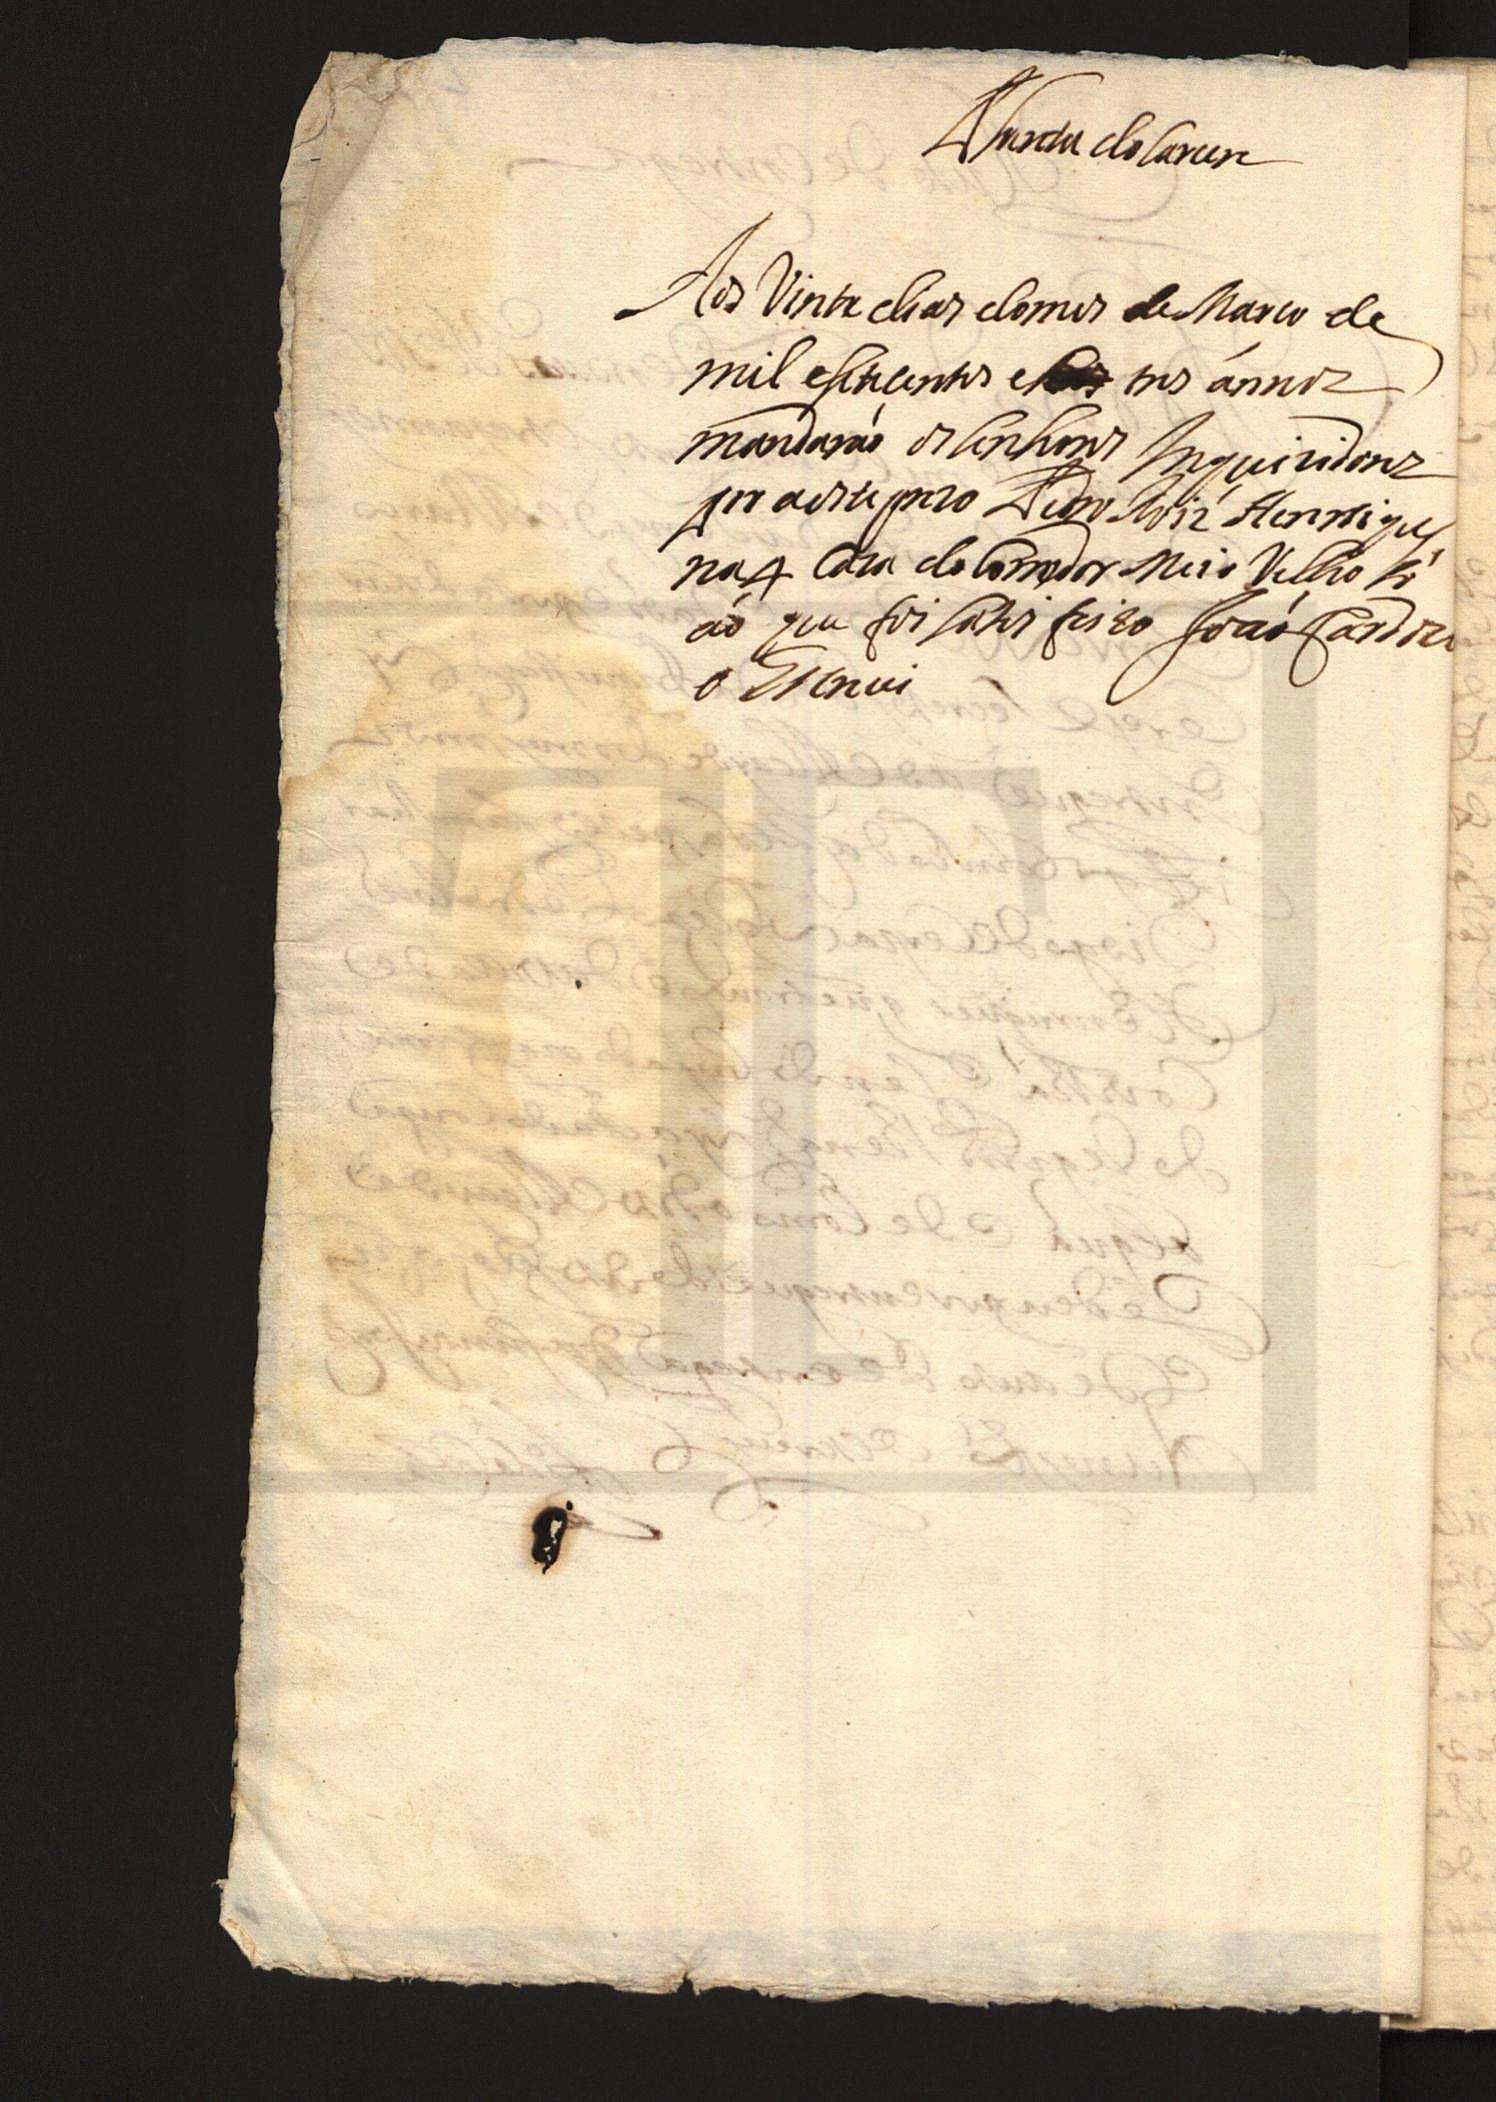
Planta do Carcere
Aos Vinte dias do mes de Março de
mil e seteçentos e ___ tres annoz
mandaraõ os senhores Jnquizidores
por a este prezo Pedro Roiz̄ Henrriques,
na 4 Caza do Corredor Meio Velho só
ao que foi satisfeito Joaõ Cardozo
o Escreui
